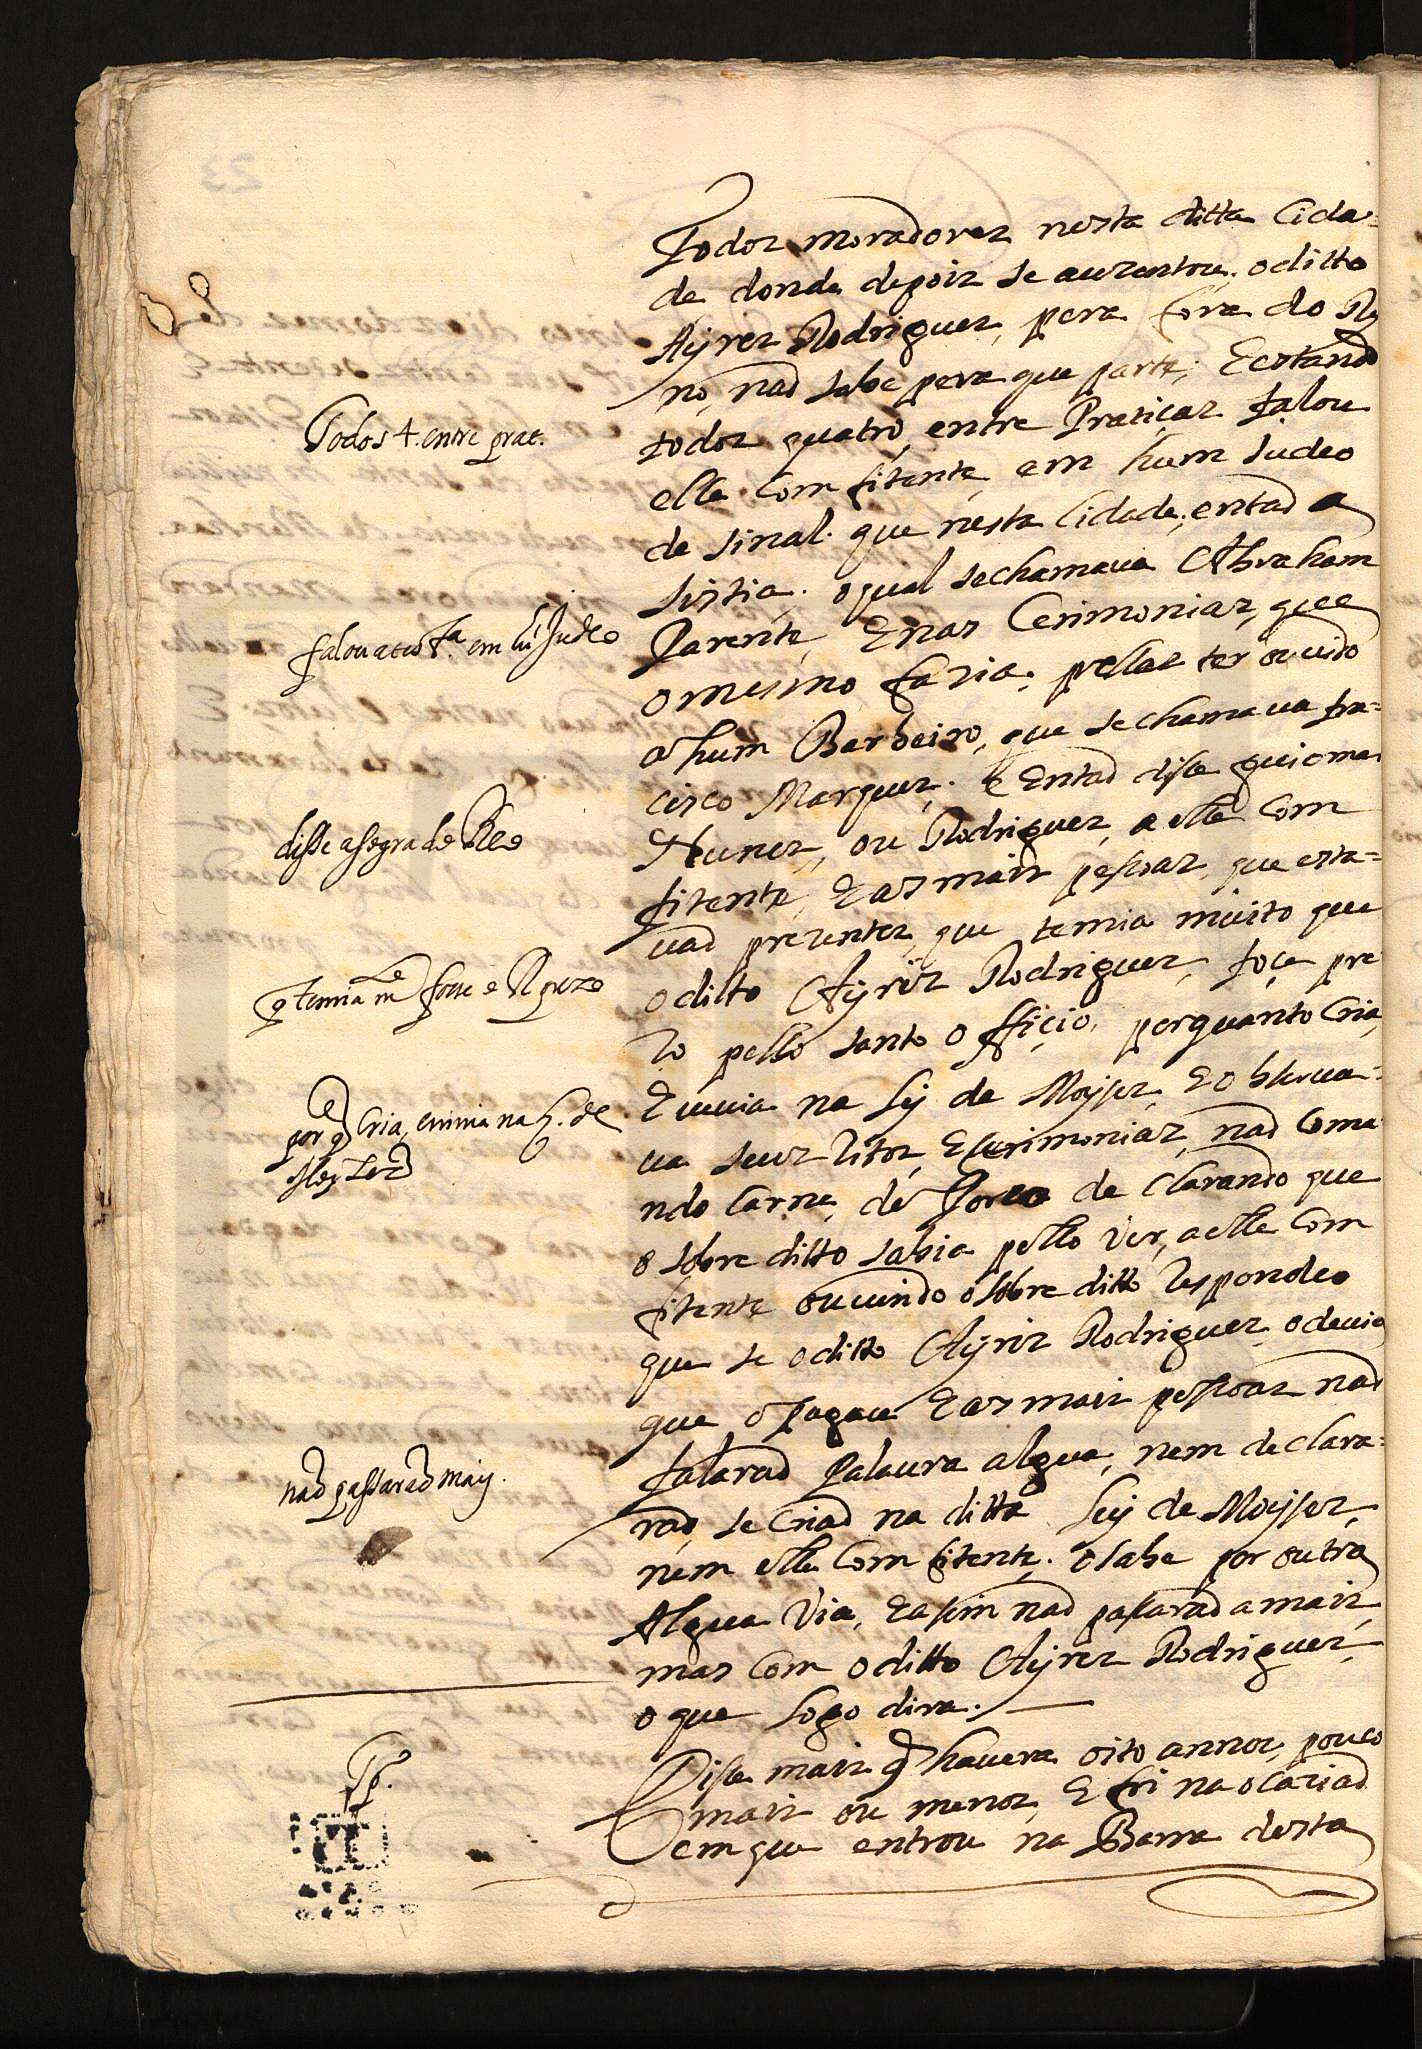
Todoz moradorez nesta ditta Cida
de donde depoiz se auzentou; o ditto
Ayrez Rodriguez, pera fora do Re_
no, naõ sabe pera que parte; E estando
todoz quatro, entre Praticaz falou
ella comfitente, em hum Iudeo
de sinal. que nesta Cidade, entaõ a
sistia; o qual se chamaua Abraham
Parente, E nas Cerimoniaz, que
o mesmo fazia; pellaz ter ouuido
a hum Barbeiro, que se chamaua fra
cisco Marquez; e Entaõ disse guiomar
Nunez, ou Rodriguez, a elle com
fitente; E as maiz pessoaz, que esta
uaõ prezentez, que temia muito que
o ditto Ayriz Rodriguez, foçe pre
zo pello santo offiçio, porquanto Cria,
E ueuia na Lej de Moysez, E obserua
ua seuz ritoz, E Cerimoniaz, naõ come
ndo Carne, de Porco deClarando que
o sobreditto sabia pello ver, a elle com
fitente ouuindo o sobreditto Respondeo
que se o ditto Ayriz Rodriguez, o deuia
que o pagace E as maiz pessoaz naõ
falaraõ palaura algua, nem declara
raõ, se criaõ na ditta Ley de Moysez,
nem elle Comfitente; e sabe por outra
Algua Via, E asim naõ passaraõ a maiz,
mas com o ditto Ayrez Rodriguez,
o que Logo dira.
Disse maiz q̄ hauera oito annoz, pouco
maiz ou menoz, E foi na ocaziaõ
em que entrou na Barra desta
Todos 4 entre prat.
falou a testa. em hū Judeo
disse a sogra do Reo
q̄ temia mto fosse o R prezo
porq̄ Cria, e uiuia na L. de
MoyZez
naõ passaraõ mais.
Tp.o
